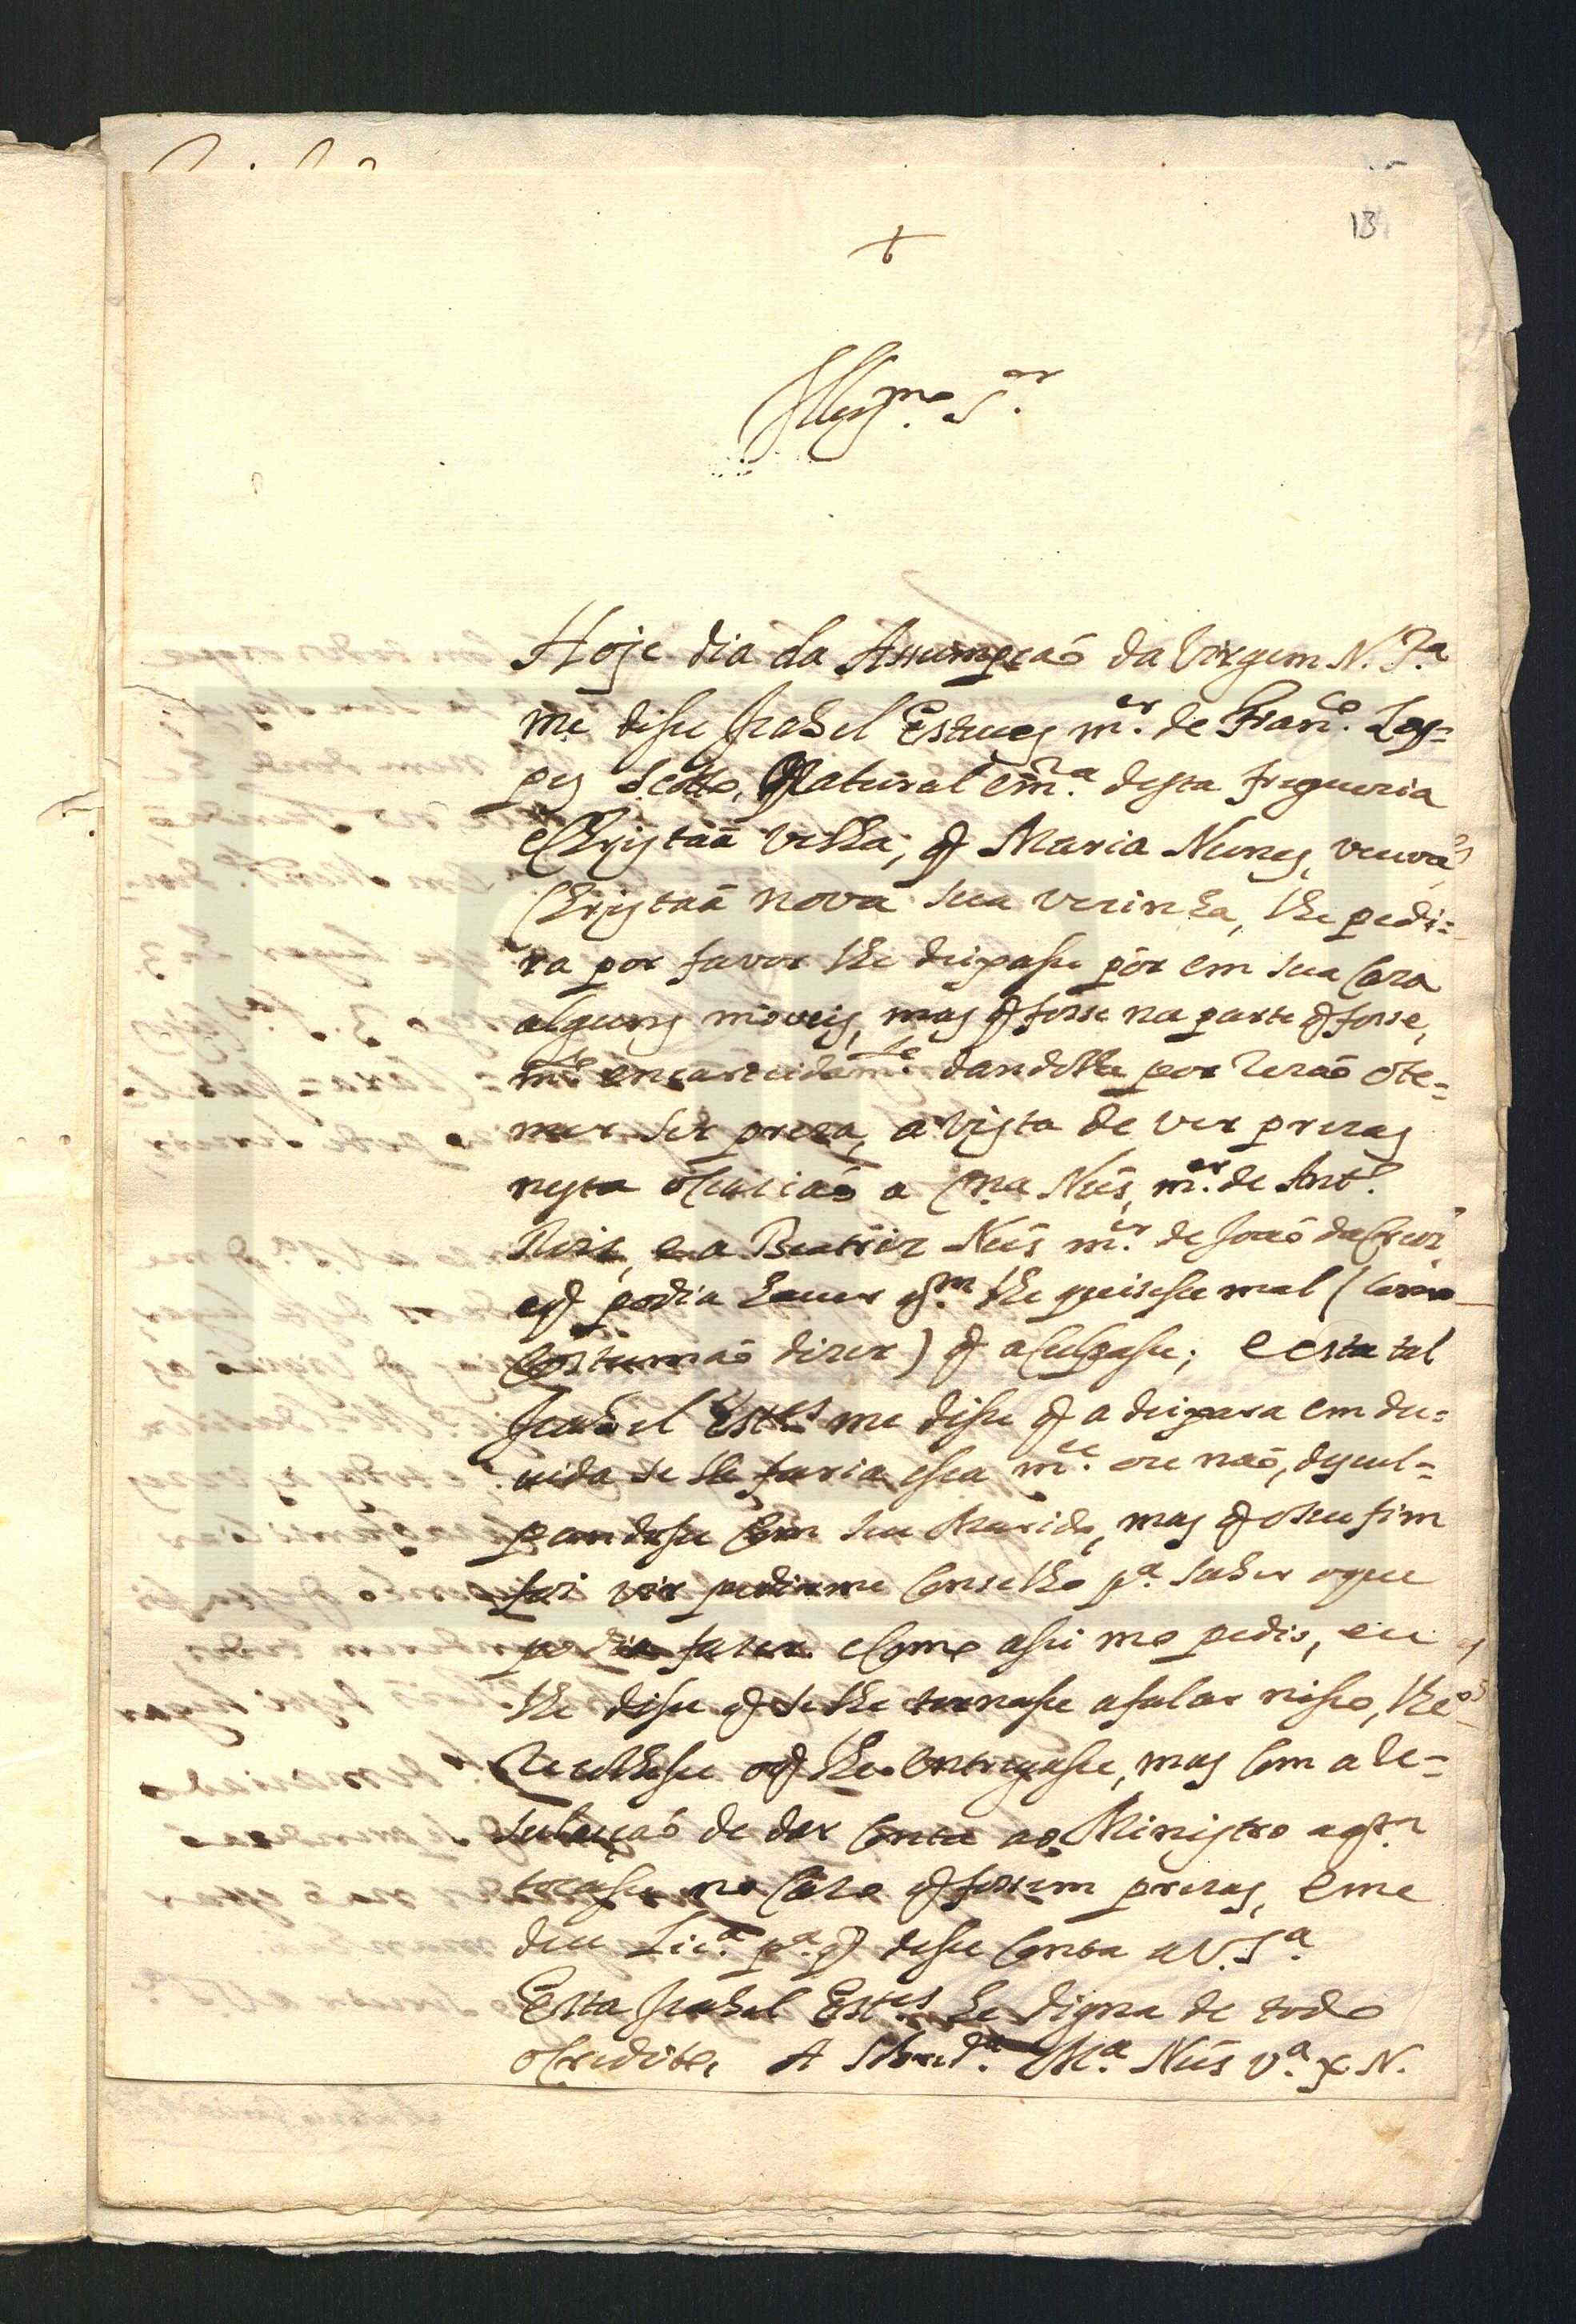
Jllus.mo s.or
Hoje dia da Assumpçaõ da Virgem N. S.ra
me disse Jzabel Esteues m.er de Fran.co Lop
pes Scotto, Natural e m.ra desta freguezia
e Christaā velha; q̄ Maria Nunes, veuva
Christaā nova sua vezinha, lhe pedi
ra por favor lhe deixasse por em sua Caza
alguns moveis, mas q̄ fosse na parte q̄ fosse,
m.to encarecidam.te dandolhe por Rezaõ o te
mer ser preza a vista de ver prezas
nesta oCcaziaõ a C.na Nus̄, m.er de Ant.o
Reis, e a Beatriz Nus̄ m.er de Joaõ da Cruz
e q̄ podia hauer q.m lhe quisesse mal (como
Costumaõ dizer) q̄ a Culpasse; e esta tal
Jzabel Est.es me disse q̄ a deixara em du
uida se lhe faria essa m.ce ou naõ, descul
pandosse Com seu Marido, mas q̄ o seu fim
foi vir pedirme Conselho p.a saber o que
podia fazer e Como assi mo pedio, eu
lhe disse q̄ se lhe tornasse a falar nisso, lhe
Recolhesse o q̄ lhe entregasse, mas com a Re
suluçaõ de dar conta ao Ministro a q.m
tocasse no Cazo q̄ fossem prezas, e me
deu Lic.a pa. q̄ desse Conta a V. S.a
Esta Jsabel Est.es he digna de todo
o Credito, A sobred.a M.a Nus̄ V.a x. N.
